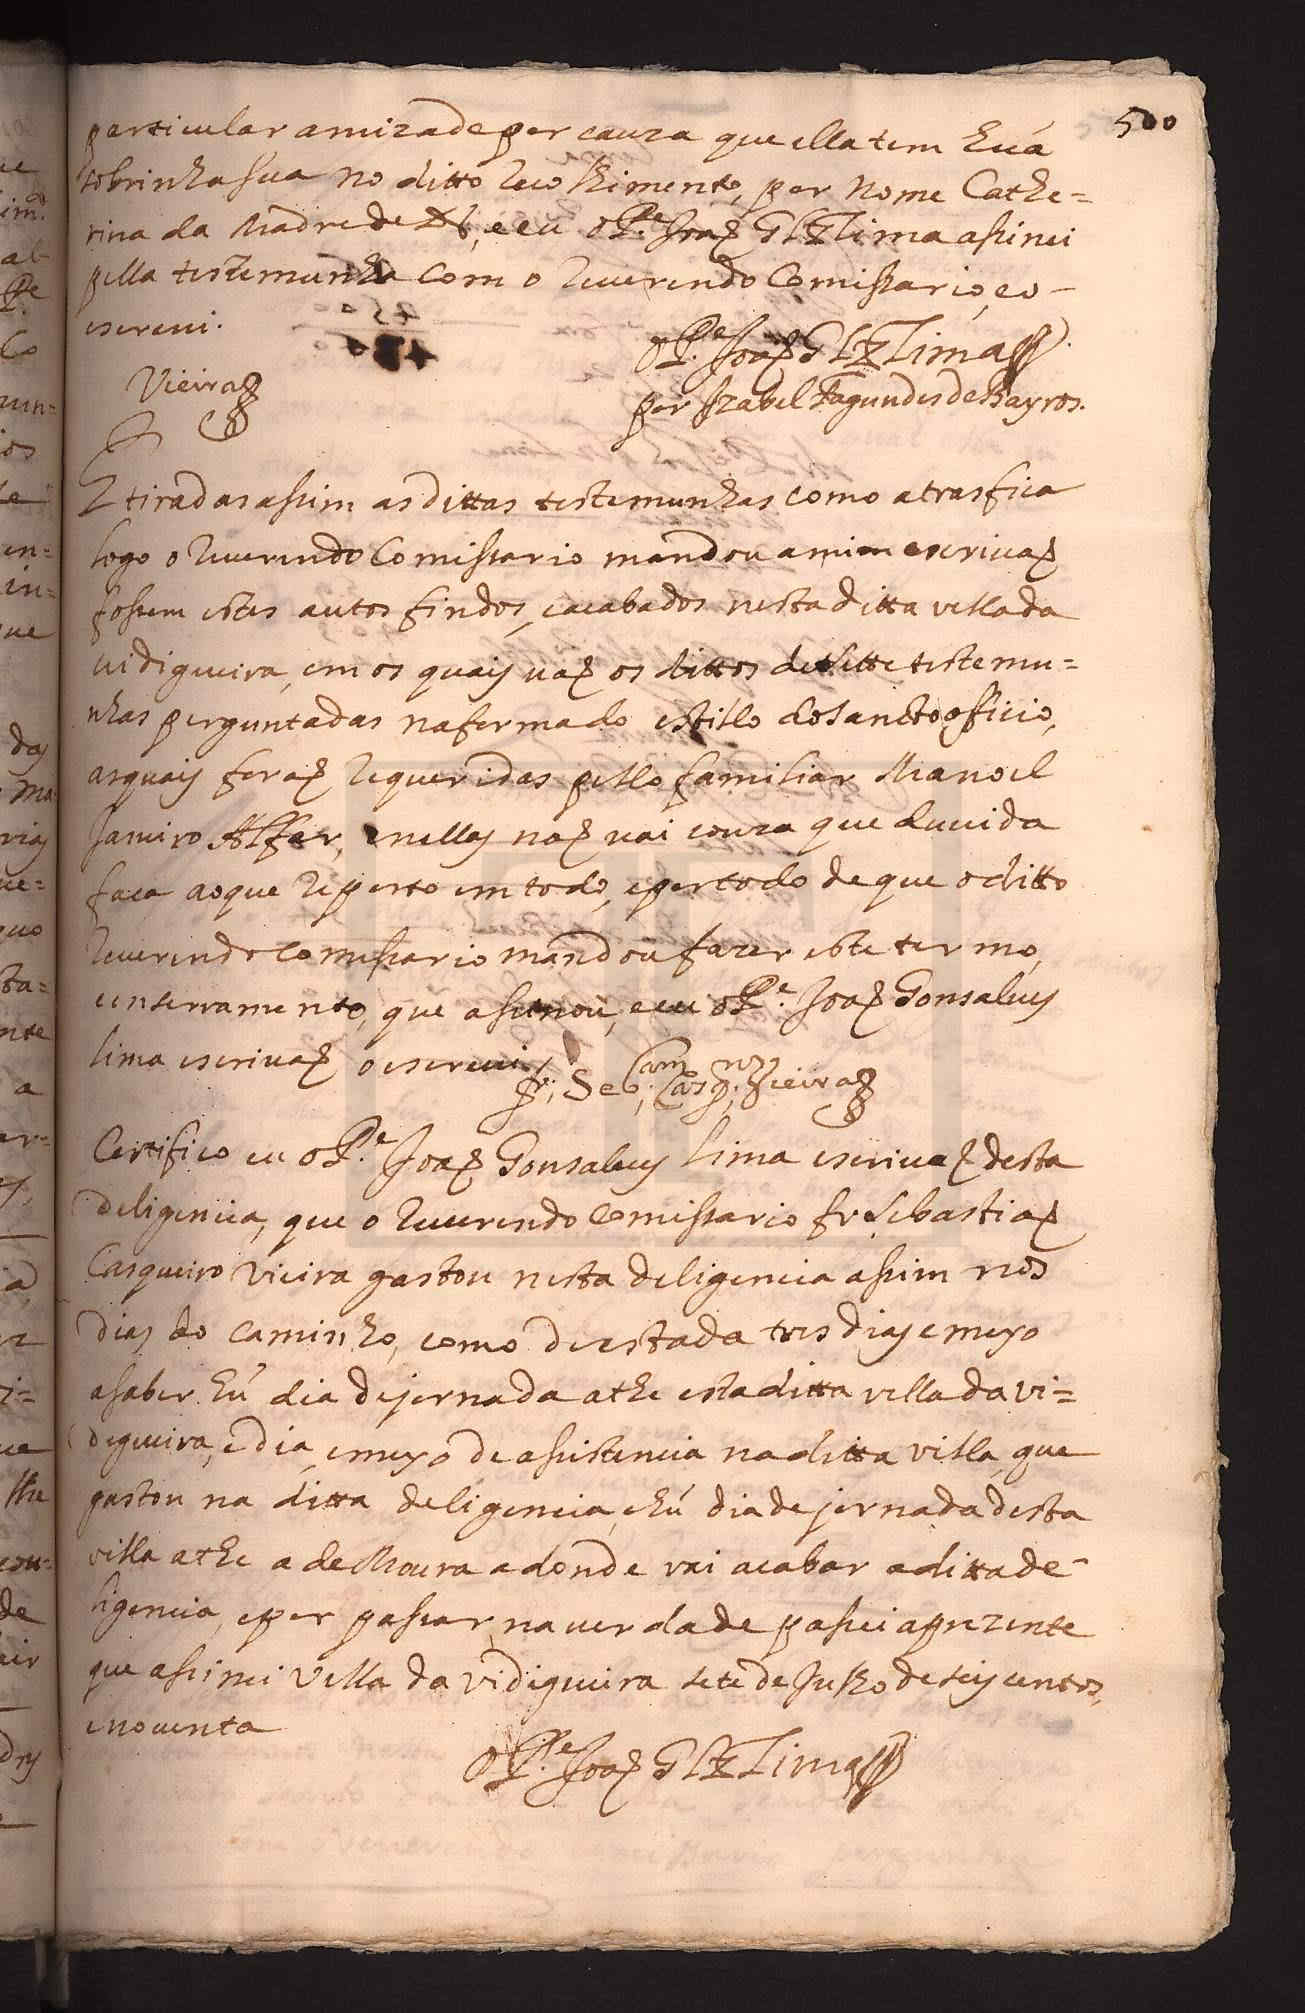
particular amizade por cauza que ella tem huā
sobrinha sua no ditto Recolhimento, por nome Cathe
nha da Madre de Ds̄, e eu o P.e Joaõ Glz̄ Lima assinei
pella testemunha com o Reuerendo Comissario, e o
escreui.
o P.e Joaõ Glz̄ Lima
Vieira
por Jzabel Fagundes de Bayros.
E tiradas assim as dittas testemunhas como atras fica
logo o Reuerendo Comissario mandou a mim escriuaõ
fossem estes autos findos, e acabados nesta ditta villa da
uidigueira, em os quais uaõ os dittos de sette testemu
nhas perguntadas na forma do estillo do sancto officio,
as quais foraõ Requeridas pello familiar Manoel
Janeiro Alfar, e nellas naõ uai couza que duuida
faça ao que Reporto em todo, e per todo de que o ditto
Reuerendo comissario mandou fazer este termo,
e enserramento, que assinou, e eu o P.e Joaõ Gonsalues
lima escriuaõ o escreui
fr. Seb;am Casq.ro Vieira
Certifico eu o P.e Joaõ Gonsalues Lima escriuaõ desta
deligencia, que o Reuerendo Comissario fr Sebastiaõ
Casqueiro vieira gastou nesta deligencia assim nos
dias do caminho, como de estada tres dias e meyo
a saber hū dia de jornada athe esta ditta villa da vi
digueira, e dia, e meyo de assistencia na ditta villa, que
gastou na ditta deligencia, e hū dia de jornada desta
villa athe a de Moura adonde vai acabar a ditta de
ligencia, e por passar na uerdade passei a prezente
que assinei villa da vidigueira sete de Julho de seiscentos,
e nouenta
o P.e Joaõ Glz̄ Lima
